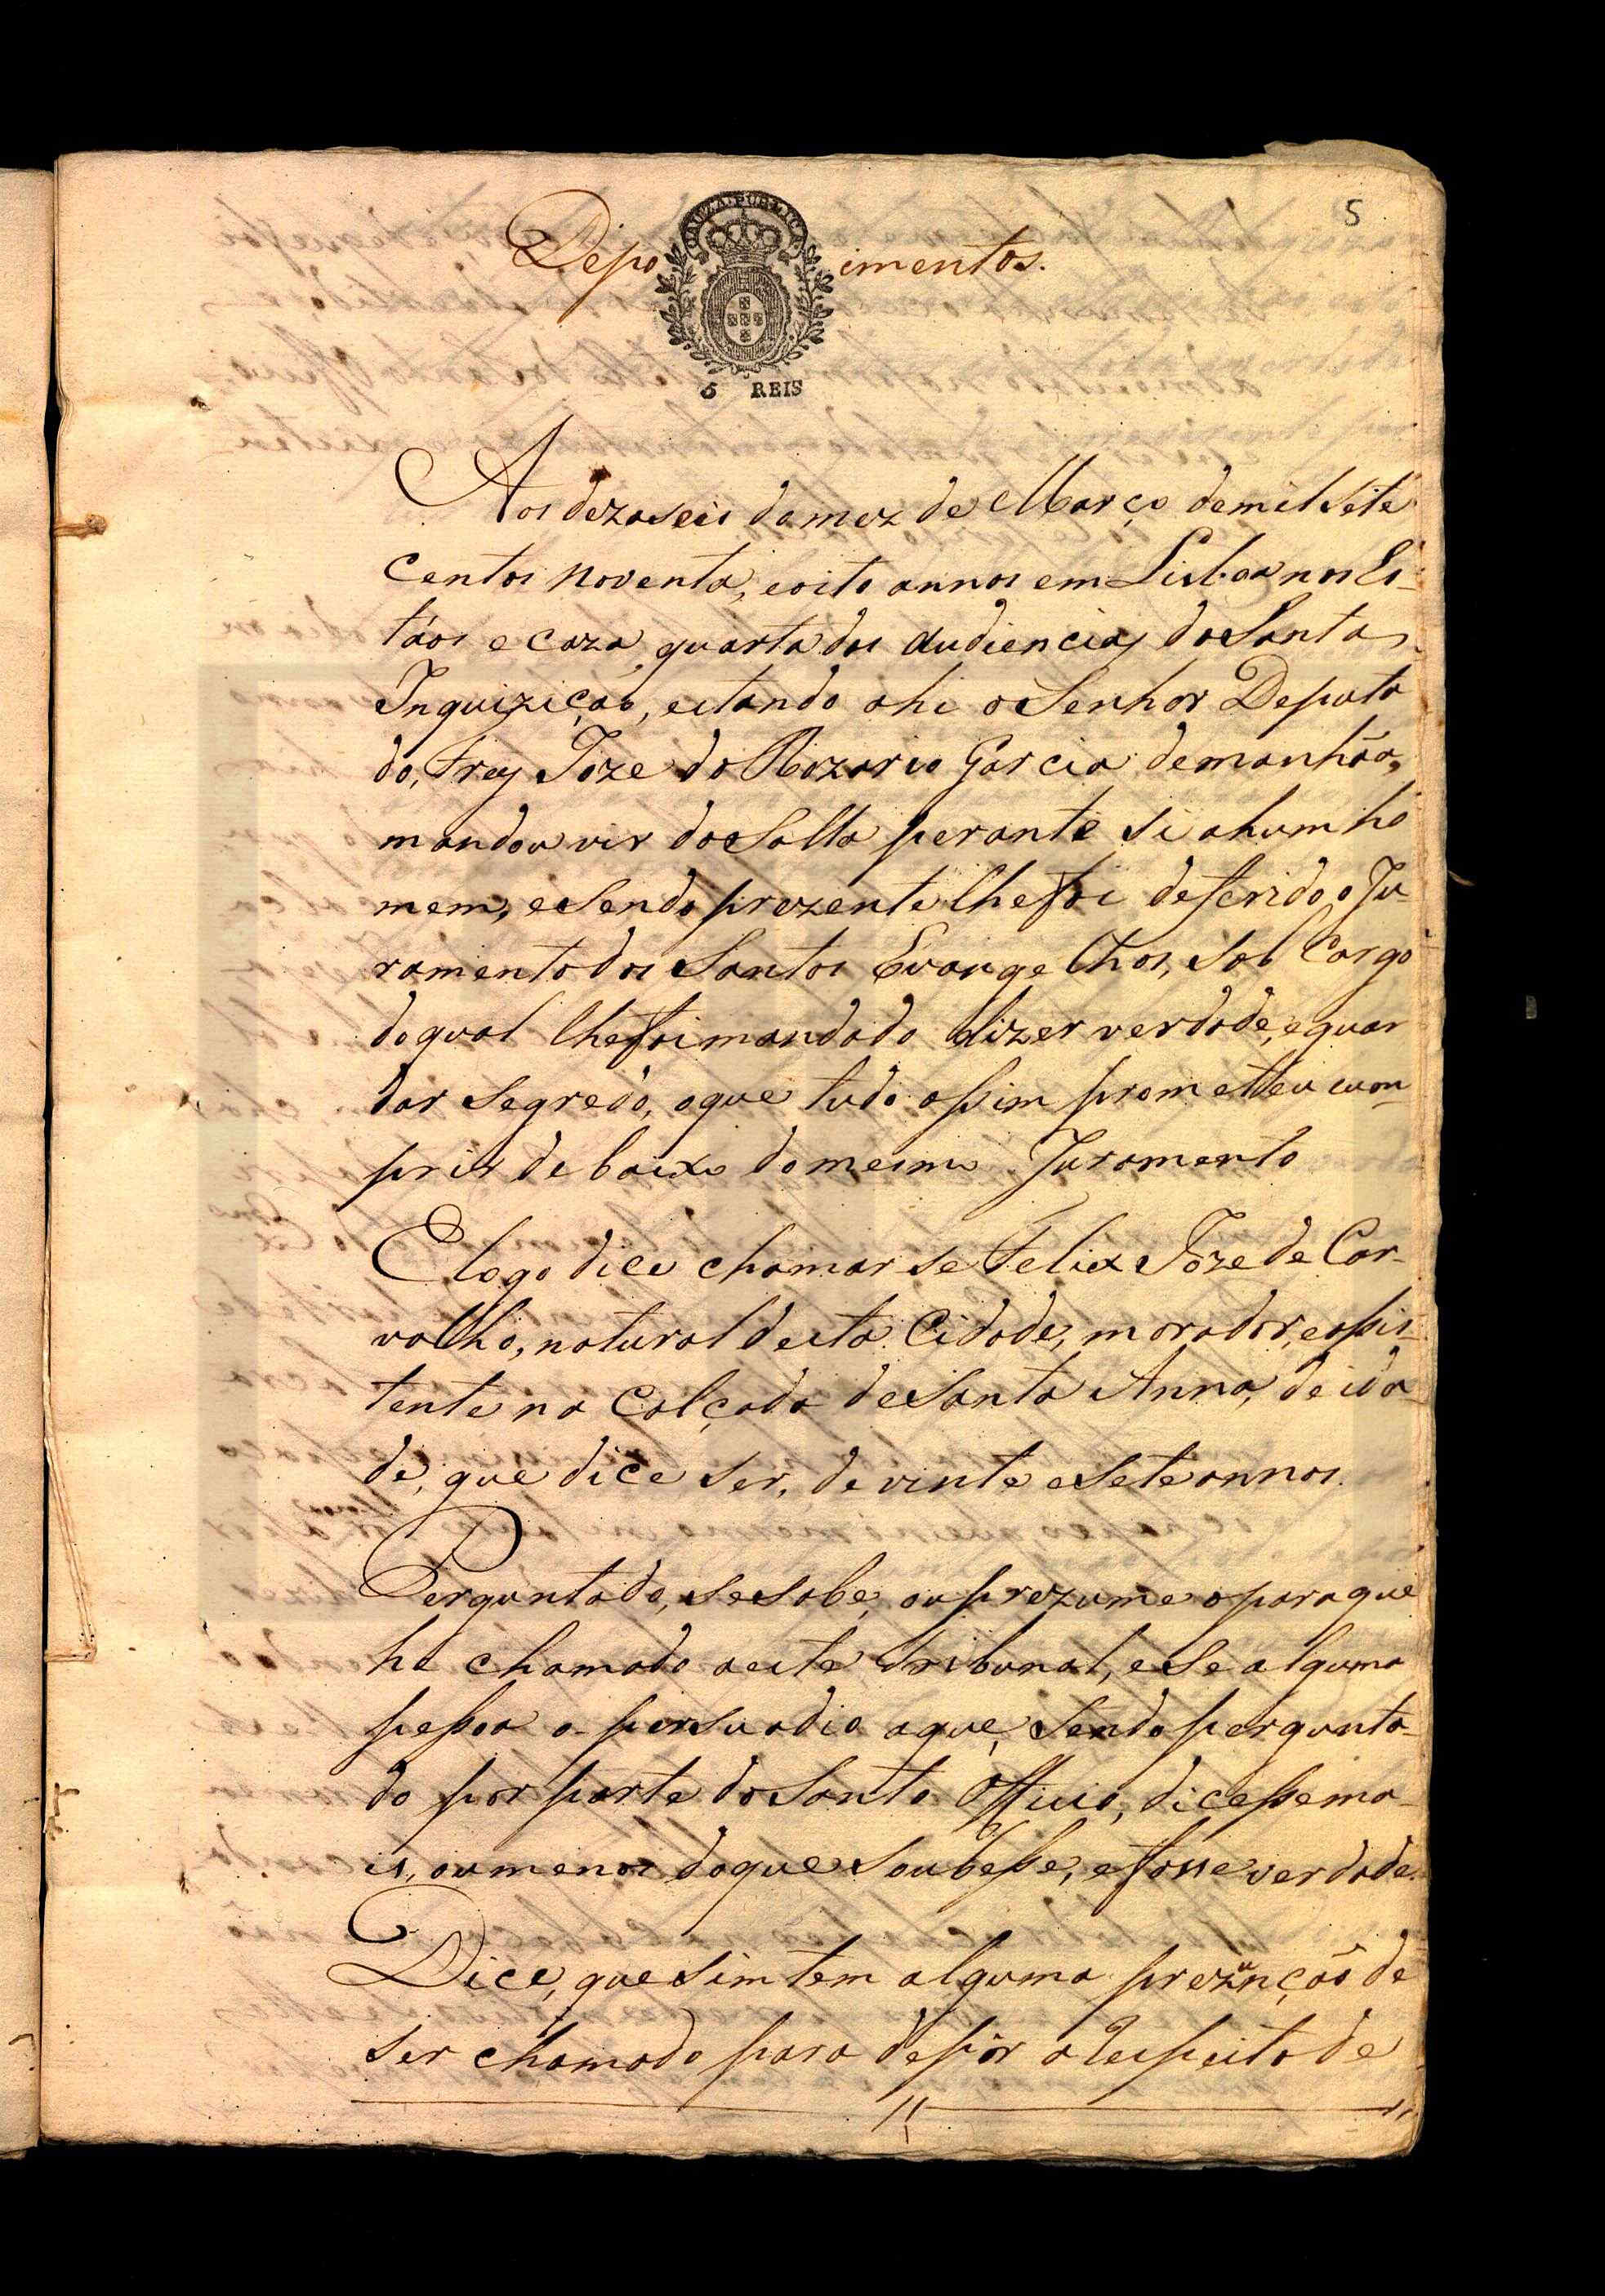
Depo imentos.
Aos dezaseis do mez de Março de mil Setes
centos noventa, e oito annos em Lisboa nos Es
táos e caza quarta das audiencias da Santa
Inquiziçaõ, estando ahi o Senhor Deputa
do, Frey Ioze do Rozario Garcia de manhãa,
mandou vir da Salla perante si a hum ho
mem, e sendo prezente lhe foi deferido o Ju
ramento dos Santos Evangelhos, sob cargo
do qual lhe foi mandado dizer verdade, e guar
dar Segredo, o que tudo assim prometteu cum
prir debaixo do mesmo Juramento
E logo dice chamar se Felix Ioze de Car
valho, natural desta Cidade, morador, e asis
tente na Calçada de Santa Anna, de ida
de, que dice ser, de vinte e sete annos.
Perguntado, se sabe, ou prezume o para que
he chamado a este Tribunal, e se alguma
pessoa o persuadio a que sendo pergunta
do por parte do Santo Officio, diçesse ma
is, ou menos do que soubesse, e fosse verdade
Dice, que sim tem alguma prezunçaõ de
ser chamado para depôr a Respeito de
